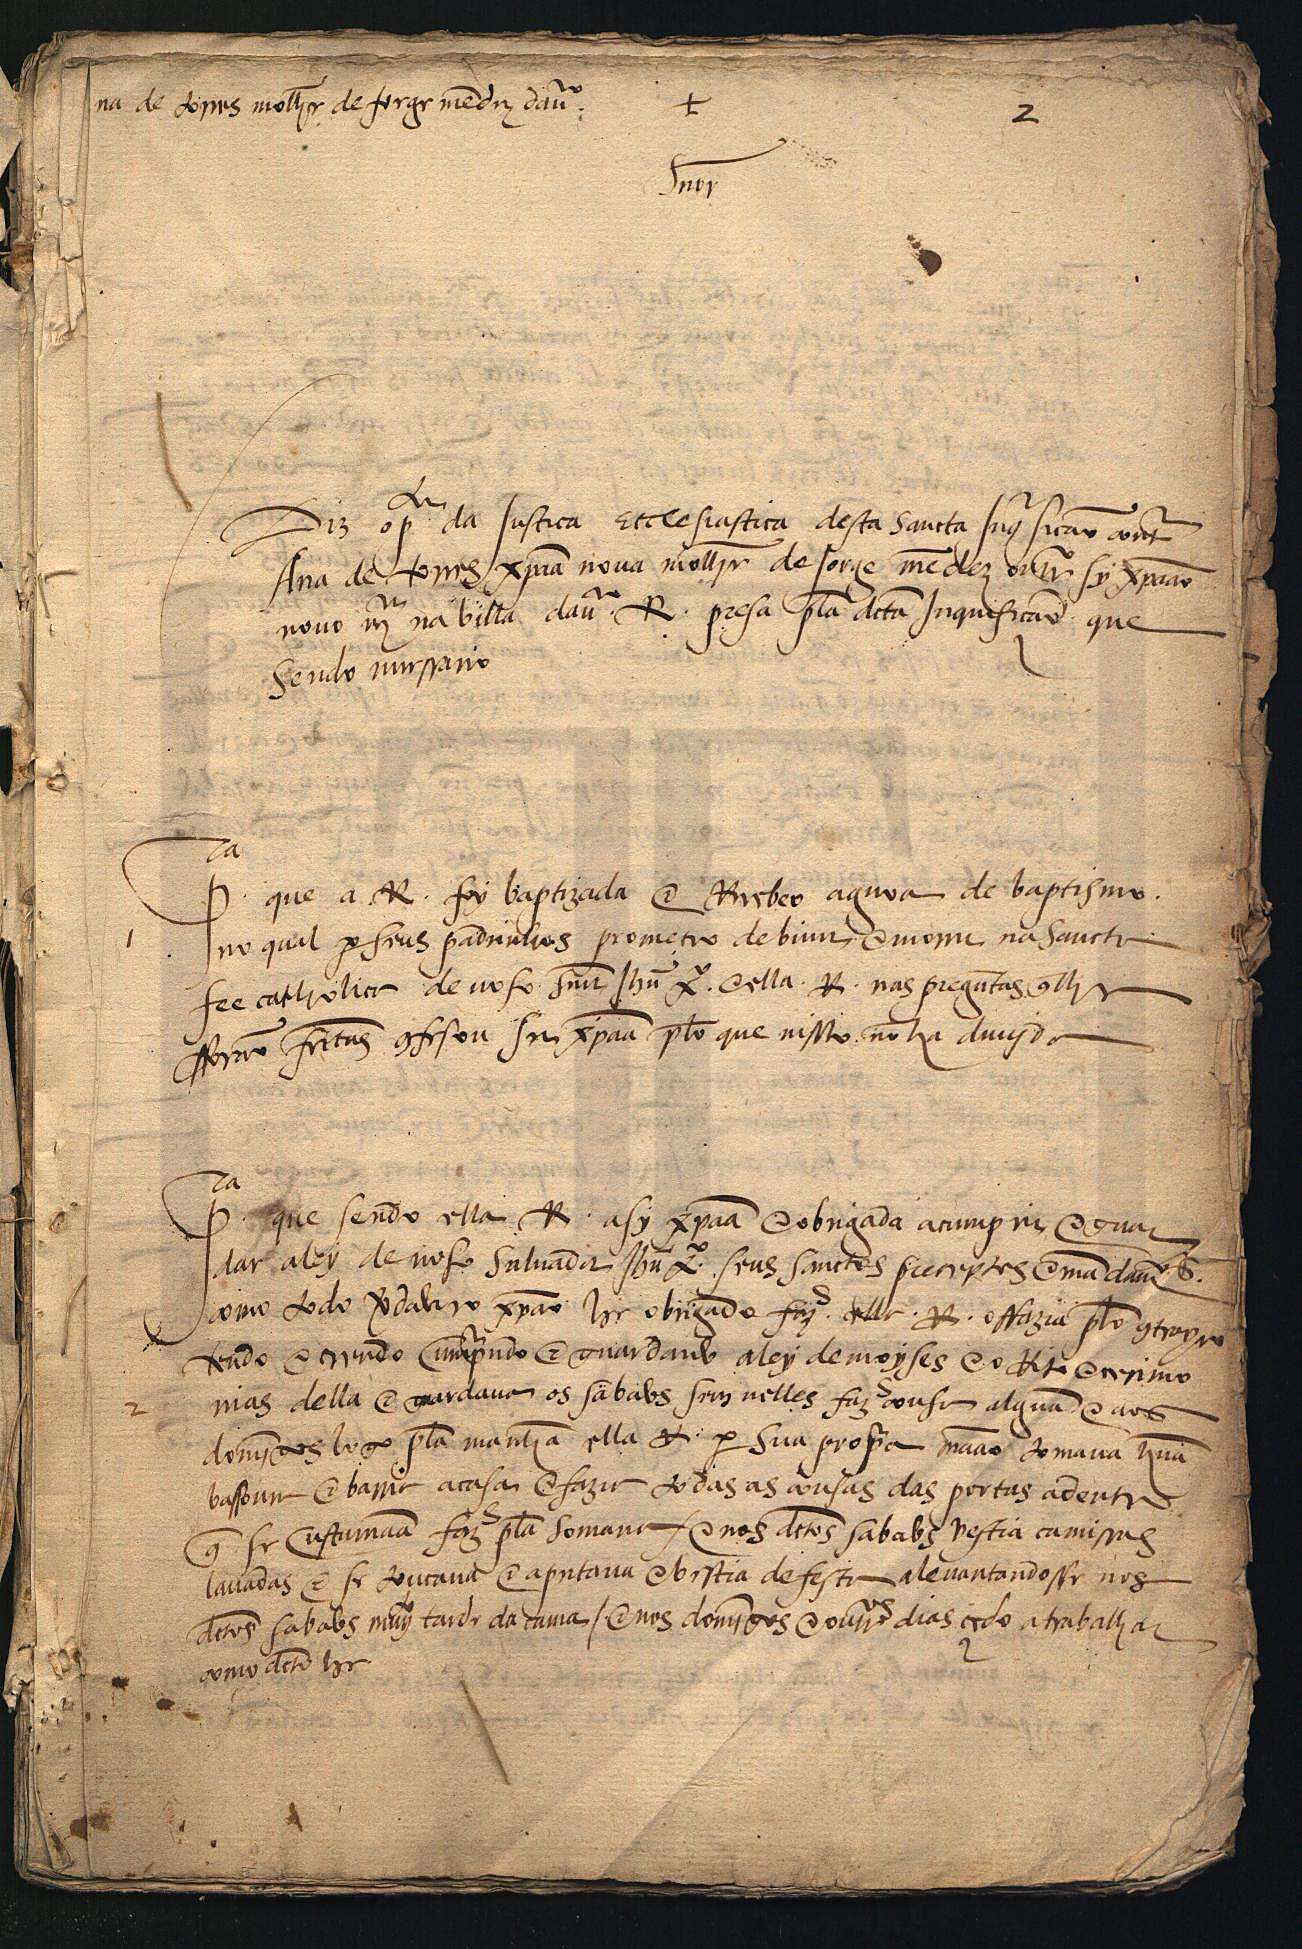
na de torres mol̄hr de Jorge m̄edez dauro
Sn̄or
Diz o ptor da Justica Ecclesiastica desta Santa Jnq̄sicão cont̄
Ana de torres Xpāa noua mōlhr de Jorge m̄edez outosy Xpaão
nouo mor na vilaa dauro .R. presa p̄la dc̄ta Jnquisição que
Sendo necessario
Pra. que a .R. foy baptizada e Recebeo aguoa de baptismo
no qual ꝑ seus padrinhos prometeo de viuer e morrer na Sancta
fee catholica de noso S̄nor Jhū Xo. e ella .R. nas pregūtas q̄ lhe
fforão fectas ꝯfesou ser xpāa p̄lo que nisso n̄o ha duujda
Pra. que sendo ella .R. asy xpāa e obrigada a cumprir e guar
dar a ley de noso Saluador Jhū Xo. seus Sanctos preceptos e m̄adamtos.
como todo ꝟdadeiro xpão he obrigado faz̄. ella .R. o ffazia p̄lo ꝯtrayro
tendo e crendo Cump̄ndo e guardando a ley de moyses e o Rito e cerimo
nias della e guardaua os sabados sem nelles faz̄ cousa algūa e aos
dom̄jgos p̄la manhā ella R. ꝑ Sua prop̄a maão tomaua h̄ua
vassoura e varria a casa e fazia todas as cousas das portas adentro
q̄ se Custumā a faz̄ p̄la somana / e nos d̄ctos sabados vestia camissas
lauadas e se toucaua e apertaua e vestia de festa aleuantandosse nos
d̄ctos sabados muyto tarde da cama /. e nos dom̄jgos e outros dias çedo a trabalhar
como d̄cto he
